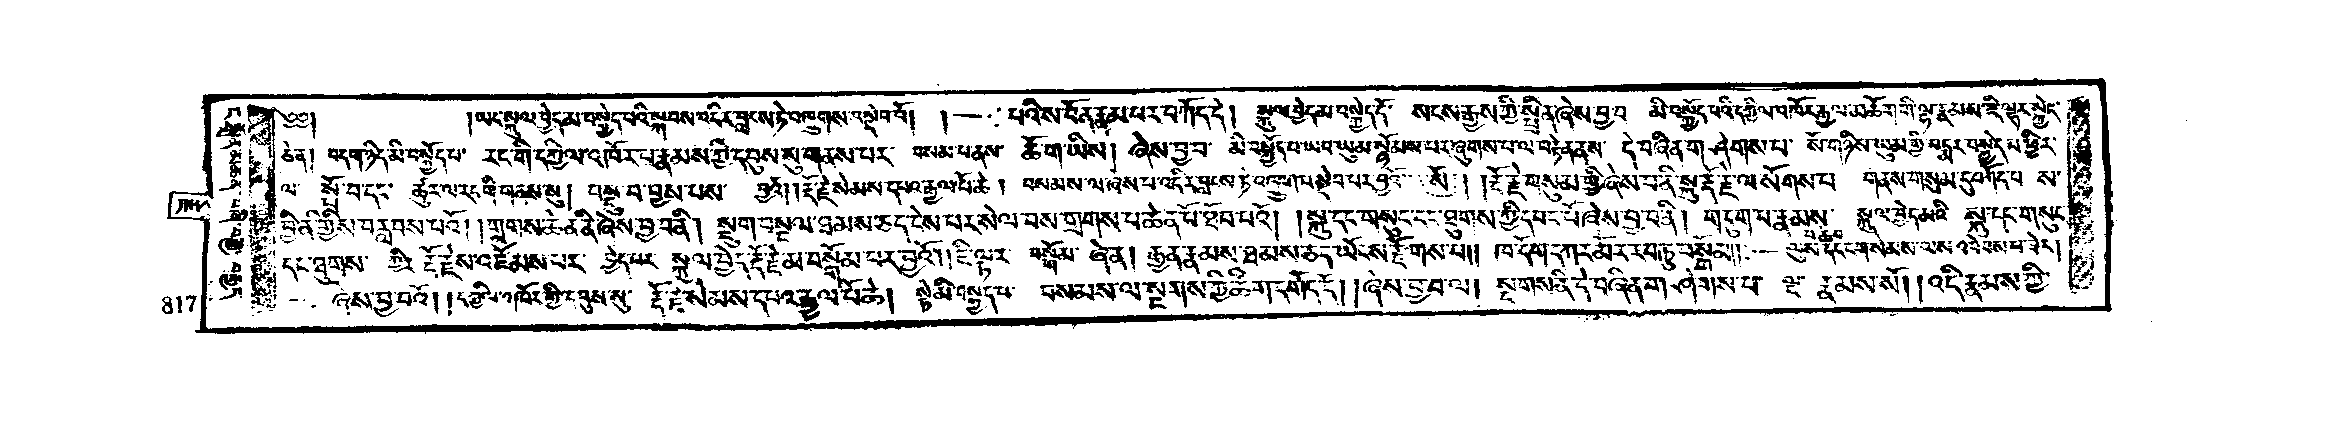༄༅། ། ཡང་སྐུལ་བྱེད་མ་བསྐྱེད་པའི་སྐབས་འདིར་བླངས་ཏེ་འཁྲུགས་བསྡེབ་བོ། །.Hཔའི་ས་བོན་རྣམ་པར་བཀོད་དེ། སྐུལ་བྱེད་མ་བསྐྱེད་དོ་སངས་རྒྱས་ཀྱི་སྤྲིན་ཞེས་བྱ་བ་མི་བསྐྱོད་པའི་དཀྱིལ་འཁོར་རྒྱལ་མཆོག་གི་ལྷ་རྣམས་ཇི་ལྟར་སྐྱེད་
ཅེ་ན། བདག་ཉིད་མི་བསྐྱོད་པ་རང་གི་དཀྱིལ་འཁོར་བ་རྣམས་ཀྱི་དབུས་སུ་གནས་པར་བསམ་པ་ནས་ཆོ་ག་ཡིས། ཞེས་བྱ་བ་མི་བསྐྱོད་པ་ཡབ་ཡུམ་སྙོམས་པར་ཞུགས་པ་ལ་བརྟེན་ནས་དེ་བཞིན་གཤེགས་པ་སོ་གཉིས་ཡུམ་གྱི་པདམར་བསྐྱེད་པ་ཕྱིར་
ལ་སྤྲོ་བ་དང་ཚུར་ལ་རང་གི་གནས་སུ། བསྡུ་བ་བྱས་པས་བྱའོ། །རྡོ་རྗེ་སེམས་དཔའ་རྒྱལ་པོ་ཆེ། བསམས་ལ་ཞེས་པ་འདིར་བླངས་ཏེ་འཁྲུགས་སྡེབ་པར་བྱའོ་སོ། །རྡོ་རྗེ་གསུམ་གྱི་ཞེས་པ་ནི་སྐུ་རྡོ་རྗེ་ལ་སོགས་པ་གནས་གསུམ་དུ་བཀོད་པས
བྱིན་གྱིས་བརླབས་པའོ། །གྲགས་ཆེན་ནི་ཞེས་བྱ་བ་ནི། སྡུག་བསྔལ་ཐམས་ཅད་ངེས་པར་སེལ་བས་གྲགས་པ་ཆེན་པོ་ཐོབ་པའོ། །སྐུ་དང་གསུང་དང་ཐུགས་ཀྱི་དབང་པོ་ཞེས་བྱ་བ་ནི། གདུག་པ་རྣམས་སྐུལ་བྱེད་མའི་སྐུ་དང་གསུང་
དང་ཐུགས་ཀྱི་རྡོ་རྗེས་འཇོམས་པར་བྱེད་པར་སྐུལ་བྱེད་རྡོ་རྗེ་མ་བསྒོམ་པར་བྱའོ། །ཇི་ལྟར་བསྒོམ་ཞེ་ན། རྒྱན་རྣམས་ཐམས་ཅད་ཡོངས་རྫོགས་པར།། ཁ་དོག་དཀར་མོར་རབ་ཏུ་བསྒོམ།། H.ལུས་པ་ཆབ་དང་ངག་སེམས་ལས་འབེབས་པ་ཟེར།
.Hཞེས་བྱ་བའོ། །དཀྱིལ་འཁོར་གྱི་དབུས་སུ་རྡོ་རྗེ་སེམས་དཔའ་རྒྱལ་པོ་ཆེ། སྟེ་མི་བསྐྱེད་པ་བསམས་ལ་སྔགས་ཀྱི་ཚིག་དགོད་དོ། །ཞེས་བྱ་བ་ལ། སྔགས་ནི་དེ་བཞིན་གཤེགས་པ་ལྔ་རྣམས་སོ། །འདི་རྣམས་ཀྱི་